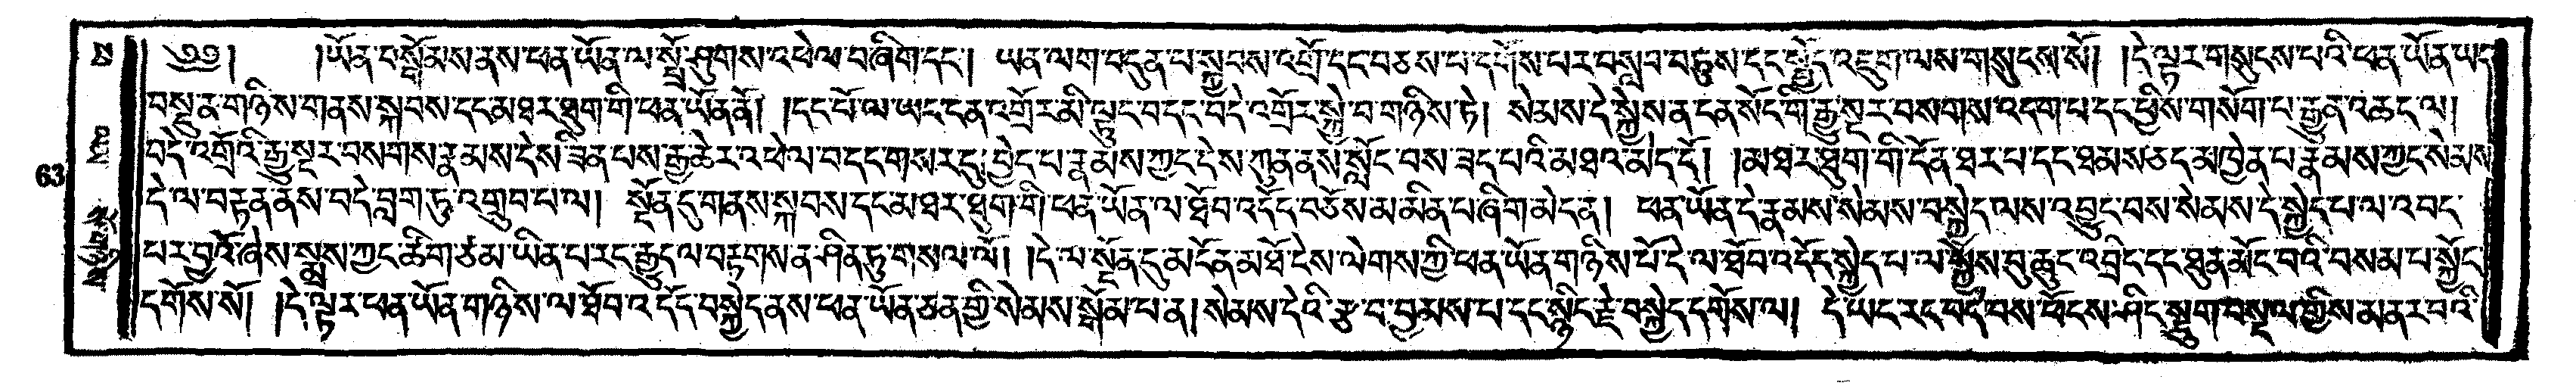༄༅། །ཡོན་བསྒོམས་ནས་ཕན་ཡོན་ལ་སྤྲོ་ཤུགས་འཕེལ་བ་ཞིག་དང་། ཡན་ལག་བདུན་པ་སྐྱབས་འགྲོ་དང་བཅས་པ་དགོས་པར་བསླབ་བཏུས་དང་སྤྱོད་འཇུག་ལས་གསུངས་སོ། །དེ་ལྟར་གསུངས་པའི་ཕན་ཡོན་ཡང་
བསྡུ་ན་གཉིས་གནས་སྐབས་དང་མཐར་ཐུག་གི་ཕན་ཡོན་ནོ། །དང་པོ་ལ་ཡང་ངན་འགྲོར་མི་ལྟུང་བ་དང་བདེ་འགྲོར་སྐྱེ་བ་གཉིས་ཏེ། སེམས་དེ་སྐྱེས་ན་ངན་སོང་གི་རྒྱུ་སྔར་བསགས་འདག་པ་དང་ཕྱིས་གསོག་པ་རྒྱུན་འཆད་ལ།
བདེ་འགྲོའི་རྒྱུ་སྔར་བསགས་རྣམས་དེས་ཟིན་པས་རྒྱ་ཆེར་འཕེལ་བ་དང་གསར་དུ་བྱེད་པ་རྣམས་ཀྱང་དེས་ཀུན་ནས་སློང་བས་ཟད་པའི་མཐའ་མེད་དོ། །མཐར་ཐུག་གི་དོན་ཐར་པ་དང་ཐམས་ཅད་མཁྱེན་པ་རྣམས་ཀྱང་སེམས་
དེ་ལ་བརྟན་ནས་བདེ་བླག་ཏུ་འགྲུབ་པ་ལ། སྔོན་དུ་གནས་སྐབས་དང་མཐར་ཐུག་གི་ཕན་ཡོན་ལ་ཐོབ་འདོད་བཅོས་མ་མིན་པ་ཞིག་མེད་ན། ཕན་ཡོན་དེ་རྣམས་སེམས་བསྐྱེད་ལས་འབྱུང་བས་སེམས་དེ་སྐྱེད་པ་ལ་འབད་
པར་བྱའོ་ཞེས་སྨྲས་ཀྱང་ཚིག་ཙམ་ཡིན་པ་རང་རྒྱུད་ལ་བརྟགས་ན་ཤིན་ཏུ་གསལ་ལོ། །དེ་ལ་སྔོན་དུ་མངོན་མཐོ་ངེས་ལེགས་ཀྱི་ཕན་ཡོན་གཉིས་པོ་དེ་ལ་ཐོབ་འདོད་སྐྱེད་པ་ལ་སྐྱེས་བུ་ཆུང་འབྲིང་དང་ཐུན་མོང་བའི་བསམ་པ་སྐྱོང་
དགོས་སོ། །དེ་ལྟར་ཕན་ཡོན་གཉིས་ལ་ཐོབ་འདོད་བསྐྱེད་ནས་ཕན་ཡོན་ཅན་གྱི་སེམས་སྒོམ་པ་ན། སེམས་དེའི་རྩ་བ་བྱམས་པ་དང་སྙིང་རྗེ་བསྐྱེད་དགོས་ལ། དེ་ཡང་རང་བདེ་བས་ཕོངས་ཤིང་སྡུག་བསྔལ་གྱིས་མནར་བའི་